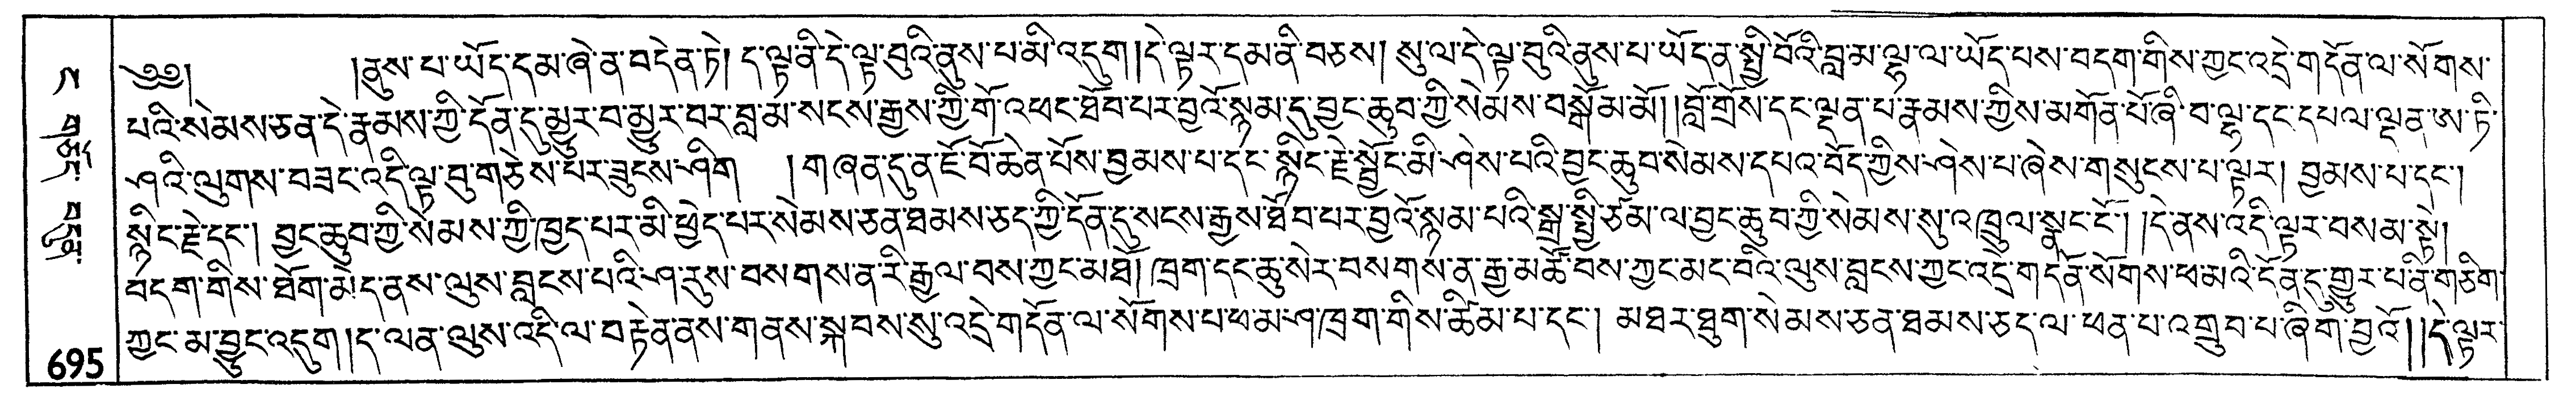༄༅། །ནུས་པ་ཡོད་དམ་ཞེ་ན་བདེན་ཏེ། ད་ལྟ་ནི་དེ་ལྟ་བུའི་ནུས་པ་མི་འདུག །དེ་ལྟར་དམ་ནི་བཅས། སུ་ལ་དེ་ལྟ་བུའི་ནུས་པ་ཡོད་ན་སྤྱི་བོའི་བླ་མ་ལྷ་ལ་ཡོད་པས་བདག་གིས་ཀྱང་འདྲེ་གདོན་ལ་སོགས་
པའི་སེམས་ཅན་དེ་རྣམས་ཀྱི་དོན་དུ་མྱུར་བ་མྱུར་བར་བླ་མ་སངས་རྒྱས་ཀྱི་གོ་འཕང་ཐོབ་པར་བྱའོ་སྙམ་དུ་བྱང་ཆུབ་ཀྱི་སེམས་བསྒོམ་མོ། །བློ་གྲོས་དང་ལྡན་པ་རྣམས་ཀྱིས་མགོན་པོ་ཞི་བ་ལྷ་དང་དཔལ་ལྡན་ཨ་ཏི་
ཤའི་ལུགས་བཟང་འདི་ལྟ་བུ་གཅེས་པར་ཟུངས་ཤིག །གཞན་དུ་ན་ཇོ་བོ་ཆེན་པོས་བྱམས་པ་དང་སྙིང་རྗེ་སྦྱོང་མི་ཤེས་པའི་བྱང་ཆུབ་སེམས་དཔའ་བོད་ཀྱིས་ཤེས་པ་ཞེས་གསུངས་པ་ལྟར། བྱམས་པ་དང་།
སྙིང་རྗེ་དང་། བྱང་ཆུབ་ཀྱི་སེམས་ཀྱི་ཁྱད་པར་མི་ཕྱེད་པར་སེམས་ཅན་ཐམས་ཅད་ཀྱི་དོན་དུ་སངས་རྒྱས་ཐོབ་པར་བྱའོ་སྙམ་པའི་སྒྲ་སྤྱི་ཙམ་ལ་བྱང་ཆུབ་ཀྱི་སེམས་སུ་འཁྲུལ་སྣང་ངོ། །དེ་ནས་འདི་ལྟར་བསམ་སྟེ།
བདག་གིས་ཐོག་མེད་ནས་ལུས་བླངས་པའི་ཤ་རུས་བསགས་ན་རི་རྒྱལ་བས་ཀྱང་མཐོ། ཁྲག་དང་ཆུ་སེར་བསགས་ན་རྒྱ་མཚོ་བས་ཀྱང་མང་བའི་ལུས་བླངས་ཀྱང་འདྲེ་གདོན་སོགས་ཕ་མའི་དོན་དུ་གྱུར་པ་ནི་གཅིག་
ཀྱང་མ་བྱུང་འདུག །ད་ལན་ལུས་འདི་ལ་བརྟེན་ནས་གནས་སྐབས་སུ་འདྲེ་གདོན་ལ་སོགས་པ་ཕ་མ་ཤ་ཁྲག་གིས་ཚིམ་པ་དང་། མཐར་ཐུག་སེམས་ཅན་ཐམས་ཅད་ལ་ཕན་པ་འགྲུབ་པ་ཞིག་བྱའོ། །དེ་ལྟར་